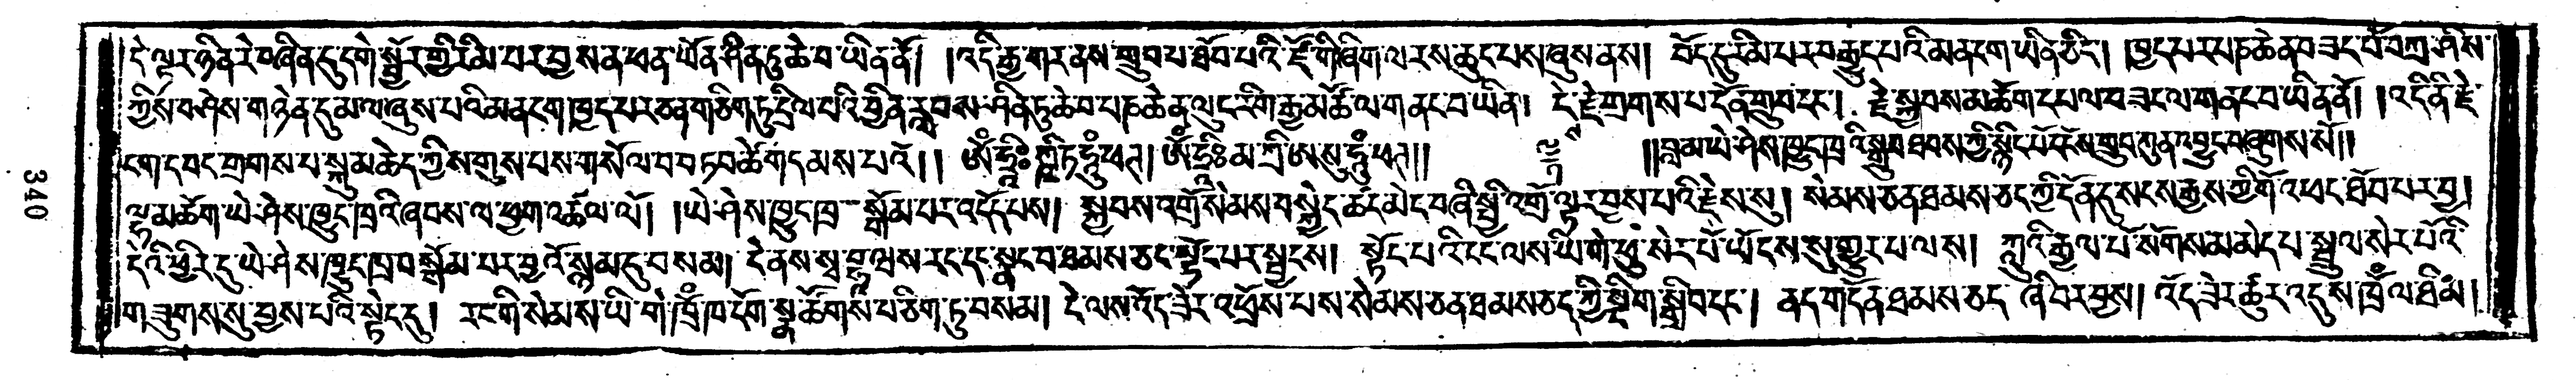དེ་ལྟར་ཉིན་རེ་བཞིན་དུ་དགེ་སྦྱོར་གྱི་རིམ་པར་བྱས་ན་ཕན་ཡོན་ཤིན་ཏུ་ཆེ་བ་ཡིན་ནོ། །འདི་རྒྱ་གར་ནས་གྲུབ་པ་ཐོབ་པའི་ཛོ་གི་ཞིག་ལ་རས་ཆུང་པས་ཞུས་ནས། བོད་དུ་རིམ་པར་བརྒྱུད་པའི་མན་ངག་ཡིན་ཅིང་། ཁྱད་པར་པཎ་ཆེན་བཟང་པོ་བཀྲ་ཤིས་
ཀྱིས་བཤེས་གཉེན་དུ་མ་ལ་ཞུས་པའི་མན་ངག་ཁྱད་པར་ཅན་གཅིག་ཏུ་དྲིལ་པའི་བྱིན་རླབས་ཤིན་ཏུ་ཆེ་བ་པཎ་ཆེན་ལུང་རིག་རྒྱ་མཚོ་ལ་གནང་བ་ཡིན། དེས་རྗེ་གྲགས་པ་དོན་གྲུབ་དང་། རྗེ་སྐྱབས་མཆོག་དཔལ་བཟང་ལ་གནང་བ་ཡིན་ནོ། །འདི་ནི་རྗེ་
ངག་དབང་གྲགས་པ་སྐུ་མཆེད་ཀྱིས་གུས་པས་གསོལ་བ་བཏབ་ཚེ་གདམས་པའོ།། ཨོཾ་ཧྲཱིཿ ཀྵི་ཏ་ཧཱུཾ་ཕཊ། ཨོཾ་ཧྲཱིཿ མ་ཀྲི་ཨ་སུ་ཧཱུཾ་ཕཊ།། ༈ །།བླ་མ་ཡེ་ཤེས་ཁྱུང་ཁྲའི་སྒྲུབ་ཐབས་ཀྱི་སྙིང་པོ་དངོས་གྲུབ་ཀུན་འབྱུང་བཞུགས་སོ།།
ལྷ་མཆོག་ཡེ་ཤེས་ཁྱུང་ཁྲའི་ཞབས་ལ་ཕྱག་འཚལ་ལོ། །ཡེ་ཤེས་ཁྱུང་ཁྲ་སྒོམ་པར་འདོད་པས། སྐྱབས་འགྲོ་སེམས་བསྐྱེད་ཚད་མེད་བཞི་སྤྱི་འགྲོ་ལྟར་བྱས་པའི་རྗེས་སུ། སེམས་ཅན་ཐམས་ཅད་ཀྱི་དོན་དུ་སངས་རྒྱས་ཀྱི་གོ་འཕང་ཐོབ་པར་བྱ།
དེའི་ཕྱིར་དུ་ཡེ་ཤེས་ཁྱུང་ཁྲ་བསྒོམ་པར་བྱའོ་སྙམ་དུ་བསམ། དེ་ནས་སྭ་བྷཱ་ཝས་རང་དང་སྣང་བ་ཐམས་ཅད་སྟོང་པར་སྦྱངས། སྟོང་པའི་ངང་ལས་ཡི་གེ་ཕུ་སེར་པོ་ཡོངས་སུ་གྱུར་པ་ལས། ཀླུའི་རྒྱལ་པོ་སོགས་མ་མེད་པ་སྦྲུལ་སེར་པོའི་
གཟུགས་སུ་བྱས་པའི་སྟེང་དུ། རང་གི་སེམས་ཡི་གེ་ཁྲོཾ་ཁ་དོག་སྣ་ཚོགས་པ་ཅིག་ཏུ་བསམ། དེ་ལས་འོད་ཟེར་འཕྲོས་པས་སེམས་ཅན་ཐམས་ཅད་ཀྱི་སྡིག་སྒྲིབ་དང་། ནད་གདོན་ཐམས་ཅད་ཞི་བར་བྱས། འོད་ཟེར་ཚུར་འདུས་ཁྲོཾ་ལ་ཐིམ།